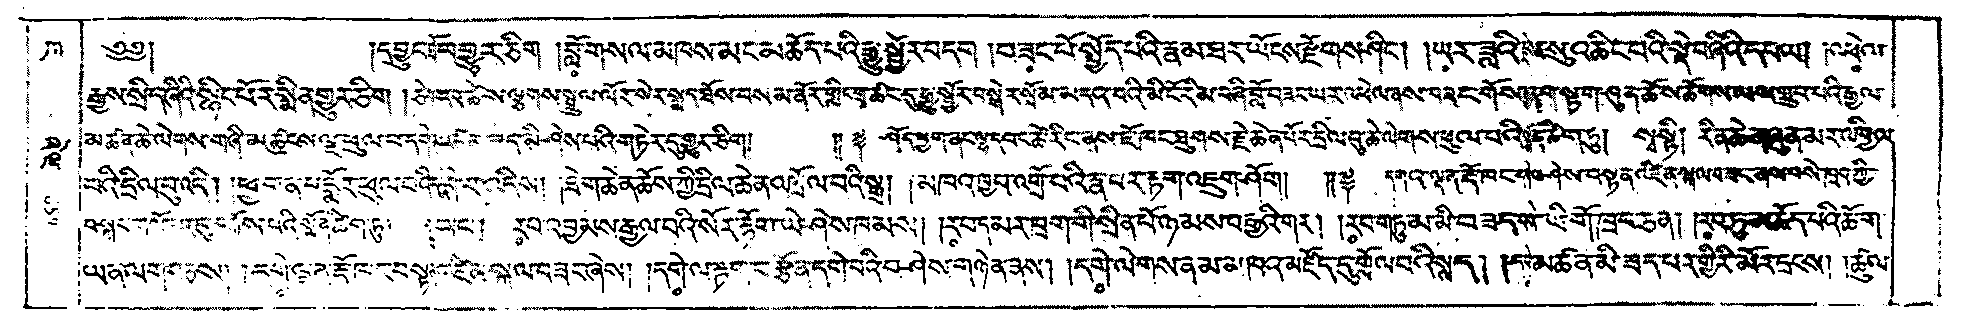༄༅། །དབྱུང་ཐོབ་གྱུར་ཅིག །བློ྾་གསལ་མཁས་མང་མཆོད་པའི་རྒྱུ་སྦྱོར་བདག །བཟང྾་པོ་སྤྱོད་པའི་རྣམ་ཐར་ཡོངས་རྫོགས་ཤིང་། །ཡར྾་ཟླའི་རྗེས་སུ་འཆིང་བའི་སྡེ་བཞིའི་དཔལ། །འཕེལ྾་
རྒྱས་སྲིད་ཞིའི་སྙིང་པོར་སྨིན་གྱུར་ཅིག །ཅེས་རབ་ཚེས་ལྕགས་སྦྲུལ་ལོར་སེར་སྨད་ཐོས་བསམ་ནོར་གླིང་གྲྭ་ཚང་དུ་རྒྱུ་སྦྱོར་བ་སྒེར་སྤོམ་མདའ་བའི་མི་ངོ་རིམ་བཞི་བློ་བཟང་ཡར་འཕེལ་ནས་བཟང་གོས་རྒྱ་ནག་སྟག་ཤུན་ཚོས་ཚོགས་ལས་གྲུབ་པའི་རྒྱལ་
མཚན་ཆེ་ལེགས་གཞི་མཚུངས་ལྔ་ཕུལ་བ་དགེ་མཚན་ཟད་མི་ཤེས་པའི་གཏེར་དུ་གྱུར་ཅིག ། །། ༈ ཤོད་ཕྱག་ནང་ལྷ་དབང་ཚེ་རིང་ནས་ཇོ་ཁང་ཐུགས་རྗེ་ཆེན་པོར་དྲིལ་བུ་ཆེ་ལེགས་ཕུལ་བའི་སྨོན་ཚིག་ཏུ། སྭ་སྟི། རིན་ཆེན་ཞུན་མར་འཁྱིལ་
བའི་དྲིལ་བུ་འདི། །ཕྱག་ན་པདམོར་ཕུལ་བའི་དགེ་བ་འདིས། །ཐེག་ཆེན་ཆོས་ཀྱི་དྲིལ་ཆེན་འཁྲོལ་བའི་སྒྲ། །མཁའ་ཁྱབ་འགྲོ་བའི་རྣ་པར་རྟག་འཇུག་ཤོག ། །། ༈ དགའ་ལྡན་རྡོ་ཁང་དགེ་བཤེས་བསྟན་འཛིན་སྐལ་བཟང་ནས་བསེ་ཁྲབ་ཀྱི་
བསྐང་གསོ་པར་དུ་བརྐོས་པའི་སྨོན་ཚིག་ཏུ། སྨྲས་པ། །རབ྾་འབྱམས་རྒྱལ་བའི་སོར་རྟོག་ཡེ་ཤེས་ཁམས། །རབ྾་དམར་ཁྲག་གི་སྲིན་པོ་ཉམས་བརྒྱའི་གར། །རབ྾་གཏུམ་མི་བཟད་བསེ་ཡི་གོ་ཁྲབ་ཅན། །རབ྾་ཏུ་མཆོད་པའི་ཆོ་ག་
ཡན་ལག་བཅས། །དགེ྾་ལྡན་རྡོ་ཁང་བསྟན་འཛིན་སྐལ་བཟང་ཞེས། །དགེ྾་ལ་རྟག་བརྩོན་དགེ་བའི་བཤེས་གཉེན་ནས། །དགེ྾་ལེགས་ནམ་མཁའ་མཛོད་དུ་གྲོལ་བའི་སླད། །དགེ྾་མཚན་མི་ཟད་པར་གྱི་རི་མོར་དྲངས། །ཚུལ་